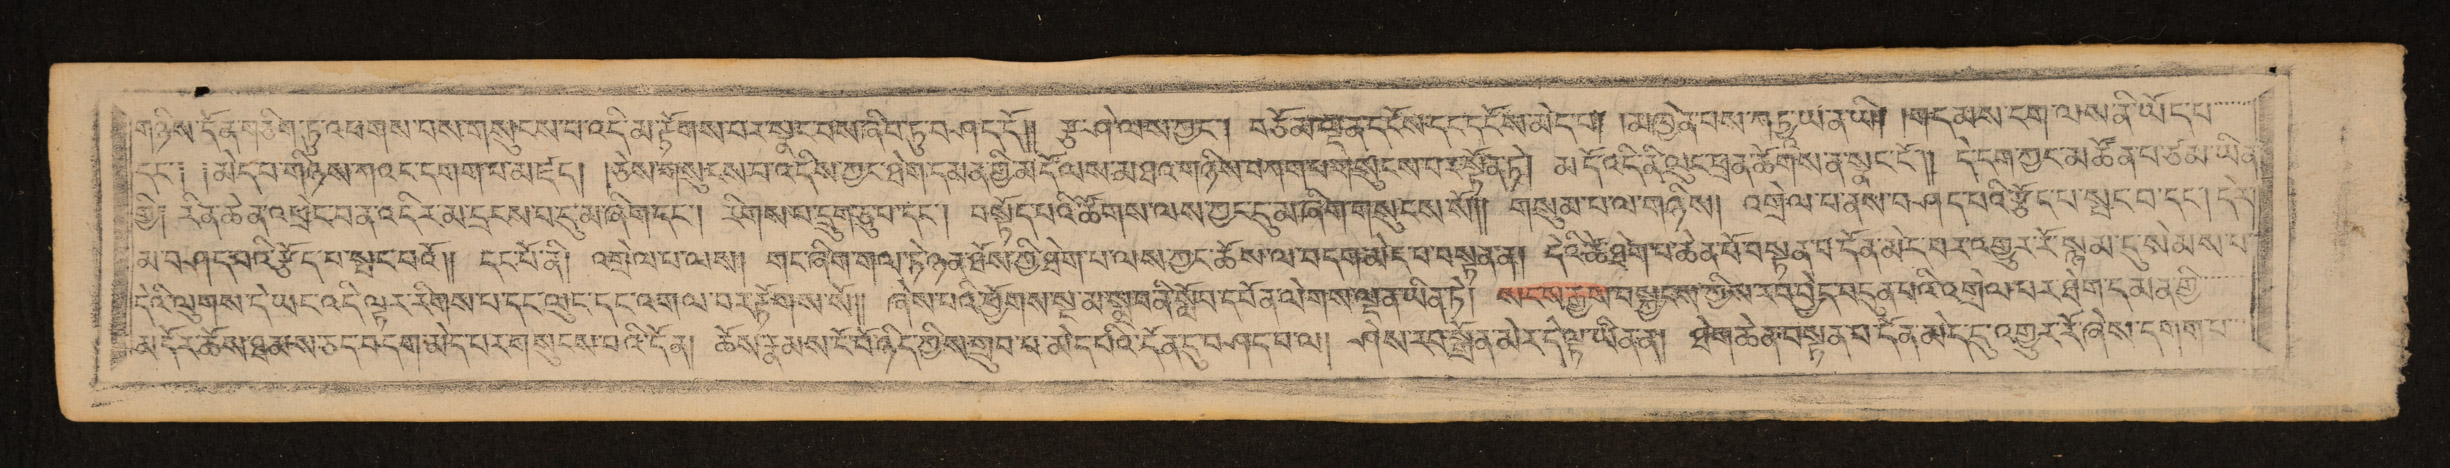གཉིས་དོན་གཅིག་ཏུ་འཕགས་པས་གསུངས་པ་འདི་མ་རྟོགས་པར་སྣང་བས་ཞིབ་ཏུ་བཤད་དོ།། རྩ་ཤེ་ལས་ཀྱང་། བཅོམ་ལྡན་དངོས་དང་དངོས་མེད་པ། །མཁྱེན་པས་ཀ་ཏྱཱ་ཡ་ན་ཡི། །གདམས་ངག་ལས་ནི་ཡོད་པ་
དང༑ ༑མེད་པ་གཉིས་ཀའང་དགག་པ་མཛད། །ཅེས་གསུངས་པ་འདིས་ཀྱང་ཐེག་དམན་གྱི་མདོ་ལས་མཐའ་གཉིས་བཀག་པ་གསུངས་པར་སྟོན་ཏེ། མདོ་འདི་ནི་ལུང་ཕྲན་ཚེགས་ན་སྣང་ངོ།། དེ་དག་ཀྱང་མཚོན་པ་ཙམ་ཡིན་
གྱི༑ རིན་ཆེན་ཕྲེང་བ་ན་འདིར་མ་དྲངས་པ་དུ་མ་ཞིག་དང་། རིགས་པ་དྲུག་ཅུ་པ་དང་། བསྟོད་པའི་ཚོགས་ལས་ཀྱང་དུ་མ་ཞིག་གསུངས་སོ།། གསུམ་པ་ལ་གཉིས། འགྲེལ་པ་ནས་བཤད་པའི་རྩོད་པ་སྤང་བ་དང་། དེར་
མ་བཤད་པའི་རྩོད་པ་སྤང་བའོ།། དང་པོ་ནི། འགྲེལ་པ་ལས། གང་ཞིག་གལ་ཏེ་ཉན་ཐོས་ཀྱི་ཐེག་པ་ལས་ཀྱང་ཆོས་ལ་བདག་མེད་པ་བསྟན་ན། དེའི་ཚེ་ཐེག་པ་ཆེན་པོ་བསྟན་པ་དོན་མེད་པར་འགྱུར་རོ་སྙམ་དུ་སེམས་པ་
དེའི་ལུགས་དེ་ཡང་འདི་ལྟར་རིགས་པ་དང་ལུང་དང་འགལ་བར་རྟོགས་སོ།། ཞེས་པའི་ཕྱོགས་སྔ་མ་སྨྲ་བ་ནི་སློབ་དཔོན་ལེགས་ལྡན་ཡིན་ཏེ། སངས་རྒྱས་བསྐྱངས་ཀྱིས་རབ་བྱེད་བདུན་པའི་འགྲེལ་པར་ཐེག་དམན་གྱི་
མདོར་ཆོས་ཐམས་ཅད་བདག་མེད་པར་གསུངས་པའི་དོན། ཆོས་རྣམས་ངོ་བོ་ཉིད་ཀྱིས་གྲུབ་པ་མེད་པའི་དོན་དུ་བཤད་པ་ལ། ཤེས་རབ་སྒྲོན་མེར་དེ་ལྟ་ཡིན་ན། ཐེག་ཆེན་བསྟན་པ་དོན་མེད་དུ་འགྱུར་རོ་ཞེས་དགག་པ་